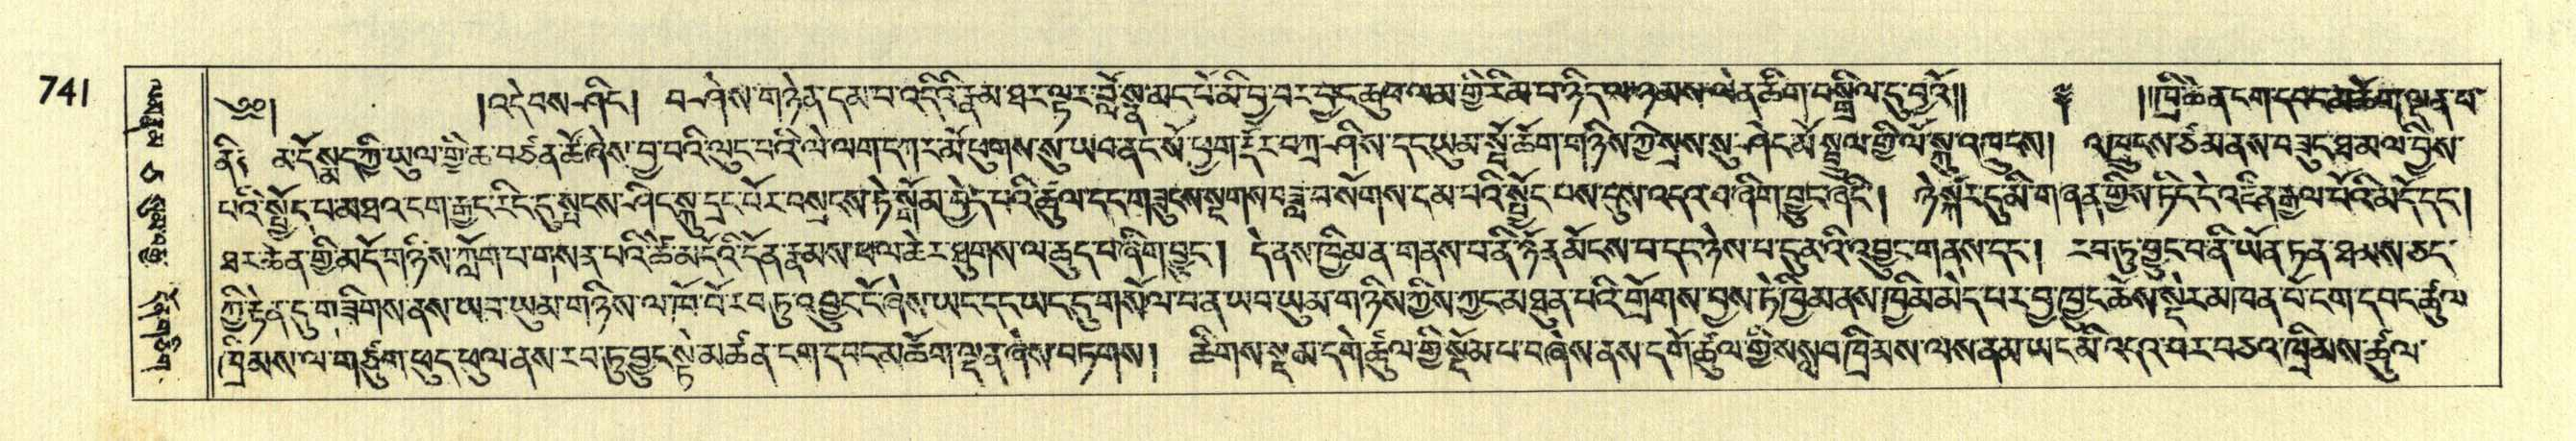༄༅། །འདེབས་ཤིང་། བཤེས་གཉེན་དམ་པ་འདིའི་རྣམ་ཐར་ལྟར་བློ་སྣ་མང་པོ་མི་བྱ་བར་བྱང་ཆུབ་ལམ་གྱི་རིམ་པ་ཉིད་ལ་ཉམས་ལེན་ཆིག་བསྒྲིལ་དུ་བྱའོ།། ༈ །།ཁྲི་ཆེན་ངག་དབང་མཆོག་ལྡན་པ་
ནི༑ མདོ་སྨད་ཀྱི་ཡུལ་གྱི་ཆ་བཙན་ཚོ་ཞེས་བྱ་བའི་ལུང་པའི་ལེ་ལག་དཀར་མོ་ཕུགས་སུ་ཡེབ་ནང་སོ་ཕྱག་རྡོར་བཀྲ་ཤིས་དང་ཡུམ་སྦོ་ཆོག་གཉིས་ཀྱི་སྲས་སུ་ཤེང་མོ་སྦྲུལ་གྱི་ལོ་སྐུ་འཁྲུངས། འཁྲུངས་ཙམ་ནས་བཟུང་ཐ་མལ་བྱིས་
པའི་སྤྱོད་པ་མཐའ་ངག་རྒྱང་རིང་དུ་སྤངས་ཤིང་སྐུ་དྲང་བོར་བསྲངས་ཏེ་སྒོམ་བྱེད་པའི་ཚུལ་དང་གཟུངས་སྔགས་བཟླ་བ་སོགས་དམ་པའི་སྤྱོད་པས་དུས་འདའ་བ་ཞིག་བྱུང་ཞིང་། ཉེ་སྐོར་དུ་མི་གཞན་གྱིས་ཏིང་ངེ་འཛིན་རྒྱལ་པོའི་མདོ་དང་།
ཐར་ཆེན་གྱི་མདོ་གཉིས་ཀློག་པ་གསན་པའི་ཚེ་མདོའི་དོན་རྣམས་ཕལ་ཆེར་ཐུགས་ལ་ཆུད་པ་ཞིག་བྱུང་། དེ་ནས་ཁྱིམ་ན་གནས་པ་ནི་ཉོན་མོངས་བ་དང་ཉེས་པ་དུ་མའི་འབྱུང་གནས་དང་། རབ་ཏུ་བྱུང་བ་ནི་ཡོན་ཏན་ཐམས་ཅད་
ཀྱི་རྟེན་དུ་གཟིགས་ནས་ཡབ་ཡུམ་གཉིས་ལ་ཁོ་བོ་རབ་ཏུ་འབྱུང་ངོ་ཞེས་ཡང་དང་ཡང་དུ་གསོལ་བ་ན་ཡབ་ཡུམ་གཉིས་ཀྱིས་ཀྱང་མཐུན་པའི་གྲོགས་བྱས་ཏེ་ཁྱིམ་ནས་ཁྱིམ་མེད་པར་བྱ་ཁྱུང་ཆོས་སྡེར་མཁན་པོ་ངག་དབང་ཚུལ་
ཁྲིམས་ལ་གཙུག་ཕུད་ཕུལ་ནས་རབ་ཏུ་བྱུང་སྟེ་མཚན་ངག་དབང་མཆོག་ལྡན་ཞེས་བཏགས། ཚིགས་སྡམ་དགེ་ཚུལ་གྱི་སྡོམ་པ་བཞེས་ནས་དགོ་ཚུལ་གྱིས་སླབ་ཁྲིམས་ལས་ནམ་ཡང་མི་འདའ་བར་བཅའ་ཁྲིམས་ཚུལ་